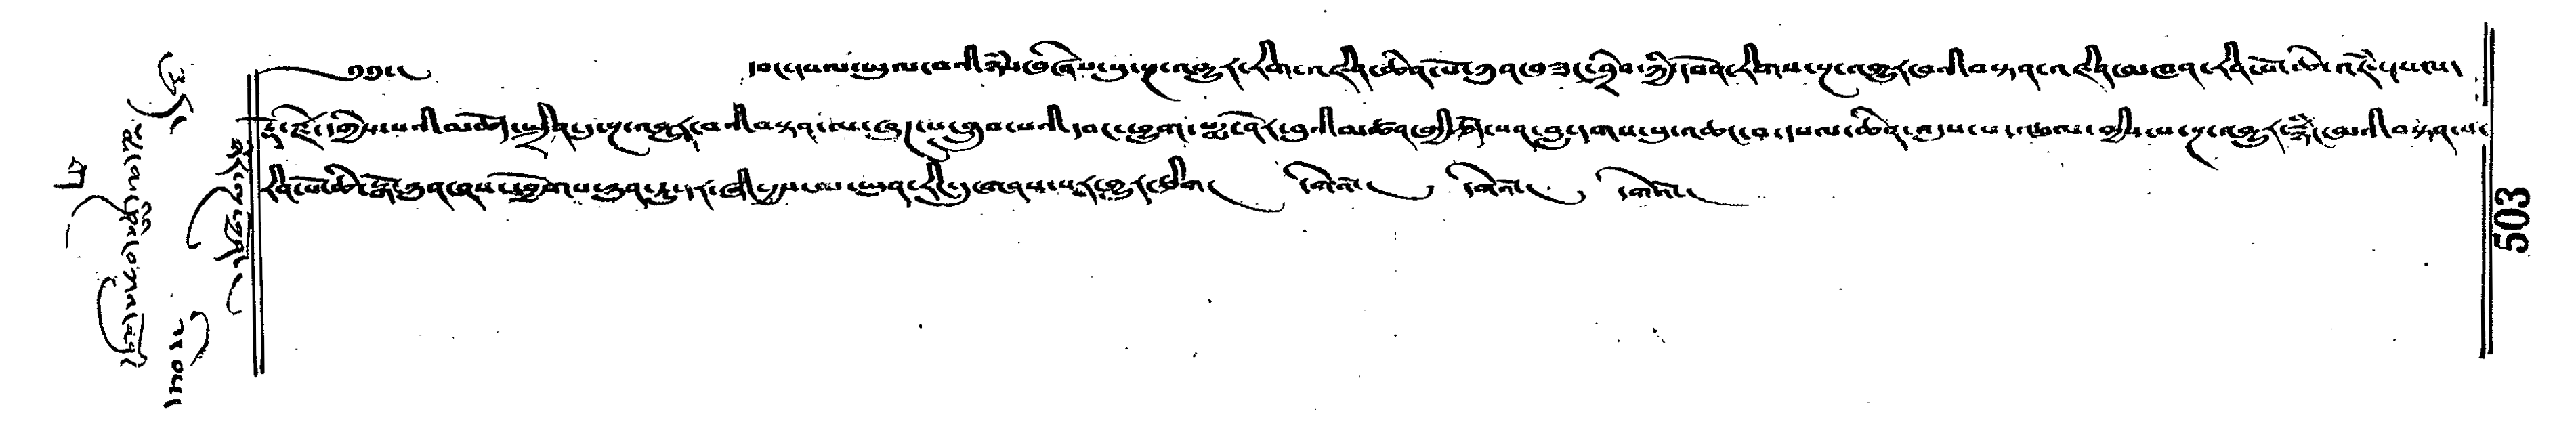དབང་དཔལ་ཡུལ་བའི་ཉམས་བཞེས་སུ་སྔ་འགྱུར་རིག་འཛིན་ཆེན་པོ་ཀུན་བཟང་ཤེས་རབ་ཀྱི་དབོན་རིགས་སྔ་འགྱུར་བའི་བསྟན་འཛིན་མཁན་རིན་པོ་ཆེ་འཇམ་དཔལ་
རྡོ་རྗེ་དགྱེས་པའི་མཆོད་སྤྲིན་དུ་སྔ་འགྱུར་བའི་བསྟན་ལ་ཞུགས་པ་གྲུབ་པའི་དབང་ཕྱུག་པདྨ་ནོར་བུའི་མཚན་གྱི་ཅོད་པན་བླ་དྭགས་སུ་འཆང་བ་དཔལ་ཆེན་འདུས་པ་རྩལ་གྱིས་བྲིས་པ་སྔ་འགྱུར་རྙིང་མའི་བསྟན་པ་
རིན་པོ་ཆེ་སྒོ་ཀུན་ནས་ཕྱོགས་ཀུན་ཏུ་དར་ཞིང་རྒྱས་ལ་ཡུན་རིང་དུ་གནས་པར་གྱུར་ཅིག། དགེའོ།།